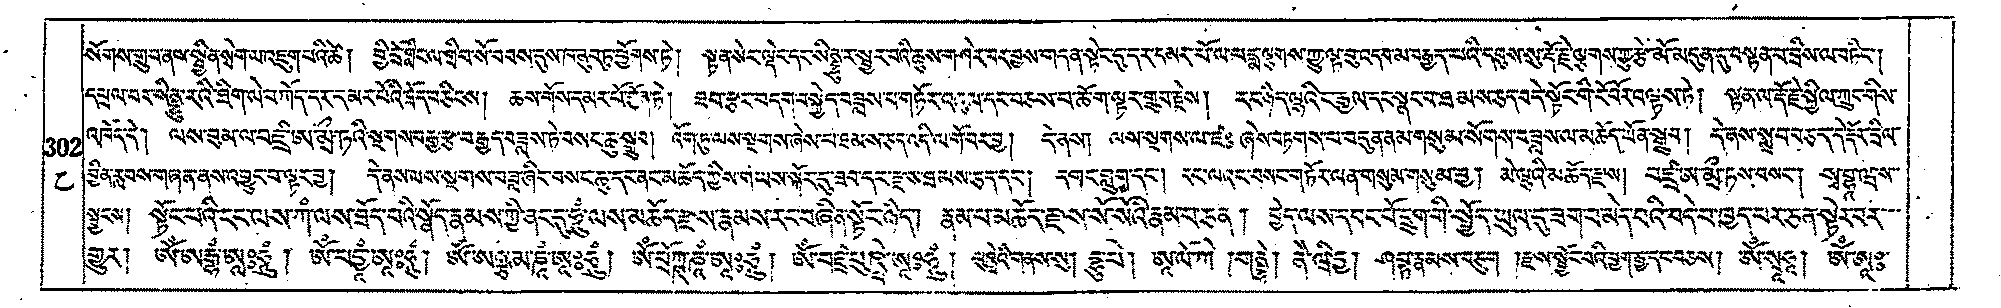སོགས་གྲུབ་ནས་སྦྱིན་སྲེག་ལ་འཇུག་པའི་ཚེ། ཕྱི་དྲོ་གླིང་ལ་གྲིབ་སོ་བབས་དུས་ཁ་ནུབ་ཏུ་ཕྱོགས་ཏེ། སྟན་སེང་ལྡེང་དང་སིནྡྷུ་ར་སྦྱར་བའི་ཆུས་གཤེར་བར་བྱས་གདན་སྟེང་དུ་དར་དམར་པོ་ལ་པདམ་ལྕགས་ཀྱུ་ལྟ་བུ་འདབ་མ་བརྒྱད་པའི་དབུས་སུ་རྡོ་རྗེ་ལྕགས་ཀྱུ་རྩེ་མོ་མདུན་དུ་བསྟན་པ་བྲིས་ལ་བཏིང་།
དཔྲལ་བར་སིནྡྷུ་རའི་ཐིག་ལེ་བཀོད་དར་དམར་པོའི་ཐོད་བཅིངས། ཆས་གོས་དམར་པོ་གྱོན་ཏེ། ཐབ་རྩར་བདག་བསྐྱེད་བཟླས་པ་གཏོར་འདུལ་དང་བཅས་པ་ཆོ་ག་ལྟར་གྲུབ་རྗེས། རང་ཉིད་ལྷའི་ང་རྒྱལ་དང་སྣང་བ་ཐམས་ཅད་བདེ་སྟོང་གི་ངོ་བོར་བལྟས་ཏེ། སྟན་ལ་རྡོ་རྗེ་སྐྱིལ་ཀྲུང་གིས་
འཁོད་དེ། ལས་བུམ་ལ་བཛྲ་ཨ་མྲྀ་ཏའི་སྔགས་བརྒྱ་རྩ་བརྒྱད་བཟླས་ཏེ་བསང་ཆུ་སྒྲུབ། འོག་ཏུ་ལས་སྔགས་ཞེས་པ་ཐམས་ཅད་འདི་ལ་གོ་བར་བྱ། དེ་ནས། ལས་སྔགས་ལ་ཛཿ ཞེས་བཏགས་པ་བདུན་ནམ་གསུམ་སོགས་བཟླས་ལ་མཆོད་ཡོན་སྒྲུབ། དེ་ནས་སྨྲ་བ་བཅད་དེ་རྡོར་དྲིལ་
བྱིན་རླབས་གཞན་ནས་འབྱུང་བ་ལྟར་བྱ། དེ་ནས་ལས་སྔགས་བཟླ་ཞིང་བསང་ཆུ་དང་ནང་མཆོད་ཀྱིས་གཡས་སྐོར་དུ་ཐབ་དང་རྫས་ཐམས་ཅད་དང་། དགང་བླུགས་དང་། རང་ལའང་བསང་གཏོར་ལན་གསུམ་གསུམ་བྱ། མེ་ལྷའི་མཆོད་རྫས། བཛྲ་ཨ་མྲྀ་ཏས་བསང་། སྭ་བྷཱ་ཝས་་་
སྦྱངས། སྟོང་པའི་ངང་ལས་ཀཾ་ལས་ཐོད་པའི་སྣོད་རྣམས་ཀྱི་ནང་དུ་ཧཱུཾ་ལས་མཆོད་རྫས་རྣམས་རང་བཞིན་སྟོང་ཉིད། རྣམ་པ་མཆོད་རྫས་སོ་སོའི་རྣམ་པ་ཅན། བྱེད་ལས་དབང་པོ་དྲུག་གི་སྤྱོད་ཡུལ་དུ་ཟག་པ་མེད་པའི་བདེ་བ་ཁྱད་པར་ཅན་སྟེར་བར་་་
གྱུར། ཨོཾ་ཨརྒྷཾ་ཨཱཿཧཱུཾ། ཨོཾ་པདྱཱཾ་ཨཱཿཧཱུཾ། ཨོཾ་ཨཉྩ་མ་ཎའཾ་ཨཱཿཧཱུཾ། ཨོཾ་པྲོཀྵ་ཎཱཾ་ཨཱཿཧཱུཾ། ཨོཾ་བཛྲ་པུཥྤེ་ཨཱཿཧཱུཾ། པེཥྤེའི་གནས་སུ།  དྷུ་པེ། ཨཱ་ལོ་ཀེ །གནྡྷེ། ནཻ་ཝིདྱ། ཤཔྟ་རྣམས་བཅུག །རྫས་སྦྱོང་བའི་ཕྱག་རྒྱ་དང་བཅས།  ཨོཾ་སྭཱཧཱ། ཨོཾ་ཨཱཿ